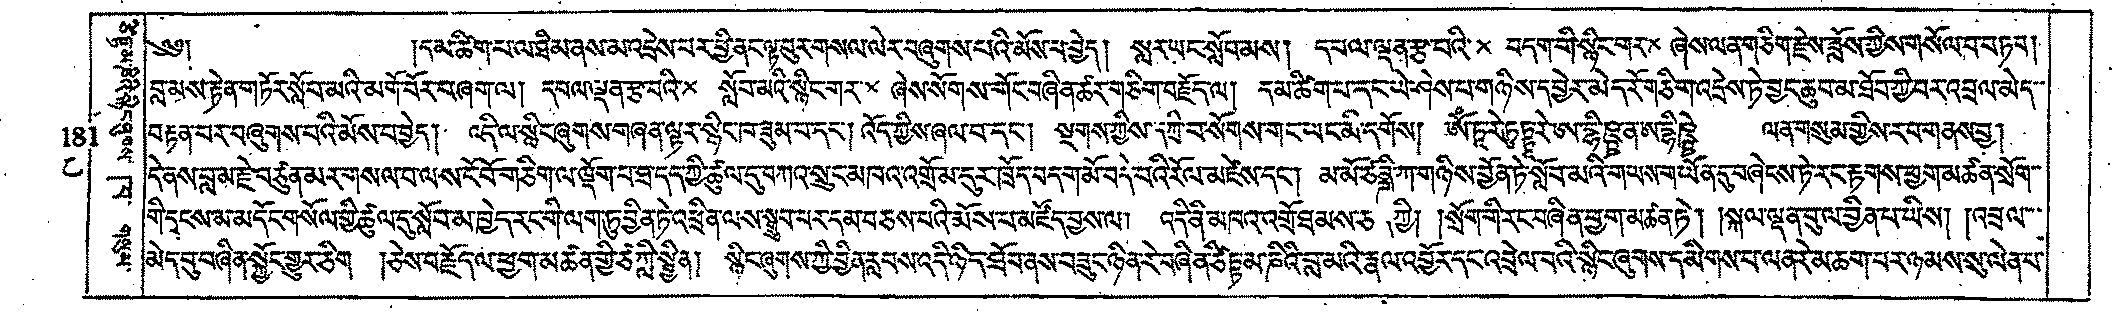༄༅། །དམ་ཚིག་པ་ལ་ཐིམ་ནས་མ་འདྲེས་པར་ཕྱི་ནང་ལྟ་བུར་གསལ་ལེར་བཞུགས་པའི་མོས་པ་བྱེད། སླར་ཡང་སློབ་མས། དཔལ་ལྡན་རྩ་བའི་྾་བདག་གི་སྙིང་གར་྾་ཞེས་ལན་གཅིག་རྗེས་ཟློས་ཀྱིས་གསོལ་བ་བཏབ།
བླ་མས་རྟེན་གཏོར་སློབ་མའི་མགོ་བོར་བཞག་ལ། དཔལ་ལྡན་རྩ་བའི་྾་སློབ་མའི་སྙིང་གར་྾་ཞེས་སོགས་གོང་བཞིན་ཚར་གཅིག་བརྗོད་ལ། དམ་ཚིག་པ་དང་ཡེ་ཤེས་པ་གཉིས་དབྱེར་མེད་རོ་གཅིག་འདྲེས་ཏེ་བྱང་ཆུབ་མ་ཐོབ་ཀྱི་བར་འབྲལ་མེད་་་
བརྟན་པར་བཞུགས་པའི་མོས་པ་བྱེད། འདི་ལ་སྙིང་ཞུགས་གཞན་ལྟར་སྙིང་ཁ་ཟུམ་པ་དང་། འོད་ཀྱིས་ཞལ་བ་དང་། སྔགས་ཀྱིས་དཀྲི་བ་སོགས་གང་ཡང་མི་དགོས། ཨོཾ་ཏཱ་རེ་ཏུ་རེ་ཨ་དྷི་ཥཊཿཨ་ན་ཨ་དྷི་ཥཊཿཨེ་ལན་གསུམ་གྱིས་རབ་གནས་བྱ།
དེ་ནས་བླ་མ་རྗེ་བཙུན་མར་གསལ་བ་ལས་ངོ་བོ་གཅིག་ལ་ལྡོག་པ་ཐ་དད་ཀྱི་ཚུལ་དུ་བཀའ་སྲུང་མཁའ་འགྲོ་མ་དུར་ཁྲོད་བདག་མོ་བདེ་བའི་རོལ་མཛེས་དང་། མ་མོ་ཙཎྜི་ཀ་གཉིས་བྱོན་ཏེ་སློབ་མའི་གཡས་གཡོན་དུ་བཞེངས་ཏེ་རང་རྟགས་ཕྱག་མཚན་སྲོག་་་
གི་དྭངས་མ་མདོང་གསོལ་གྱི་ཚུལ་དུ་སློབ་མ་ཁྱེད་རང་གི་ལག་ཏུ་བྱིན་ཏེ་འཕྲིན་ལས་སྒྲུབ་པར་དམ་བཅས་པའི་མོས་པ་མཛོད་བྱས་ལ། འདི་ནི་མཁའ་འགྲོ་ཐམས་ཅད་ཀྱི། །སྲོག་གི་རང་བཞིན་ཕྱག་མཚན་ཏེ། །སྐལ་ལྡན་བུ་ལ་བྱིན་པ་ཡིས། །འབྲལ་་་
མེད་བུ་བཞིན་སྐྱོང་གྱུར་ཅིག །ཅེས་བརྗོད་ལ་ཕྱག་མཚན་གྱི་ཙཀླི་སྦྱིན། སྙིང་ཞུགས་ཀྱི་བྱིན་རླབས་འདི་ཉིད་ཐོབ་ནས་བཟུང་ཉིན་རེ་བཞིན་ཙིཏྟ་མ་ཎིའི་བླ་མའི་རྣལ་འབྱོར་དང་འབྲེལ་བའི་སྙིང་ཞུགས་དམིགས་པ་ལན་རེ་མ་ཆག་པར་ཉམས་སུ་ལེན་པ་